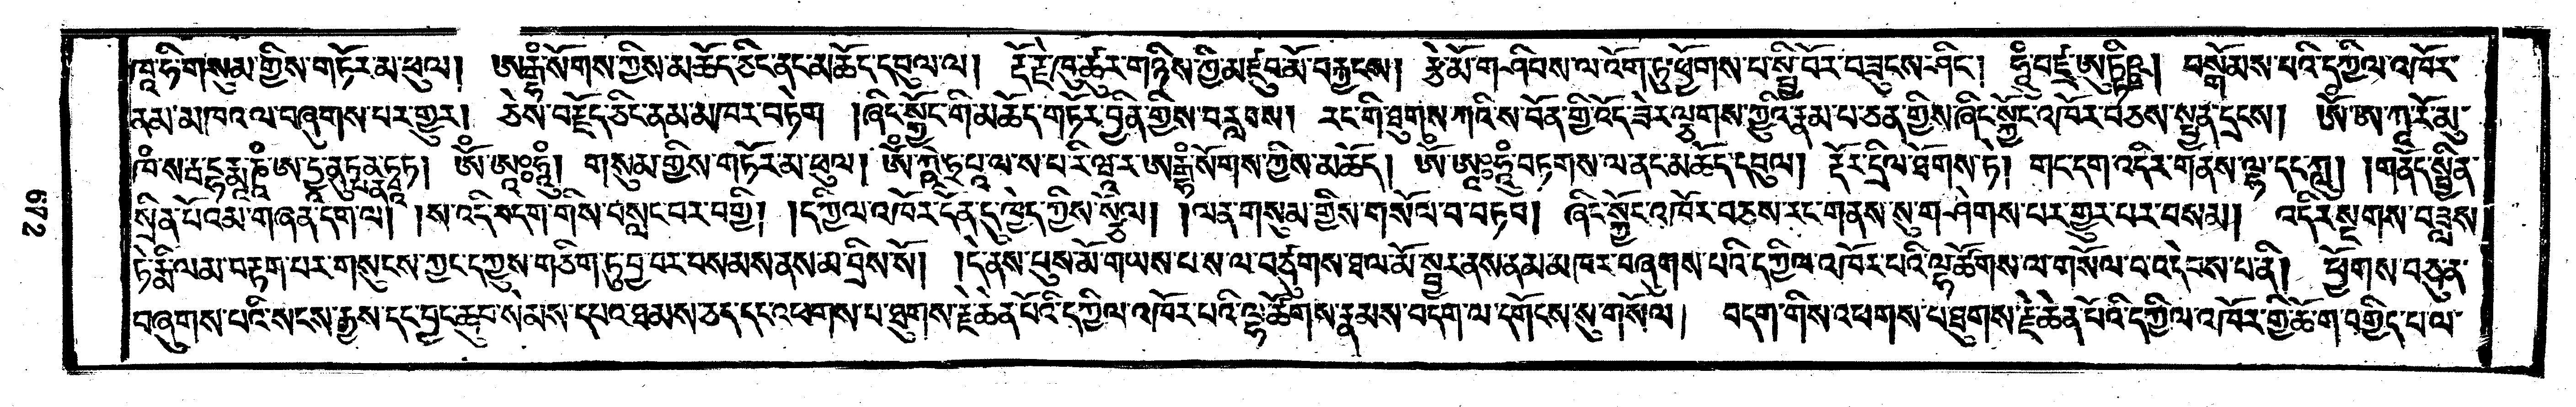ཁཱ་ཧི་གསུམ་གྱིས་གཏོར་མ་ཕུལ། ཨརྒྷཾ་སོགས་ཀྱིས་མཆོད་ཅིང་ནང་མཆོད་དབུལ་ལ། རྡོ་རྗེ་ཁུ་ཚུར་གཉིས་ཀྱི་མཛུབ་མོ་བརྐྱངས། རྩེ་མོ་གཤིབས་ལ་འོག་ཏུ་ཕྱོགས་པ་སྤྱི་བོར་བཟུངས་ཤིང་། ཧཱུཾ་བཛྲ་ཨུཏྟིཥཊཿཨ། བསྒོམས་པའི་དཀྱིལ་འཁོར་
ནམ་མཁའ་ལ་བཞུགས་པར་གྱུར། ཅེས་བརྗོད་ཅིང་ནམ་མཁར་བཏེག །ཞིང་སྐྱོང་གི་མཆོད་གཏོར་བྱིན་གྱིས་བརླབས། རང་གི་ཐུགས་ཀའི་ས་བོན་གྱི་འོད་ཟེར་ལྕགས་ཀྱུའི་རྣམ་པ་ཅན་གྱིས་ཞིང་སྐྱོང་འཁོར་བཅས་སྤྱན་དྲངས། ཨོཾ་ཨ་ཀཱ་རོ་མུ་
ཁཾ་སརྦ་དྷརྨཱ་ཎཱཾ་ཨ་དྱཱ་ནུཏྤནྣ་ཏྭཱཏ། ཨོཾ་ཨཱཿ ཧཱུཾ། གསུམ་གྱིས་གཏོར་མ་ཕུལ། ཨོཾ་ཀྵེ་ཏྲ་པཱ་ལ་ས་པ་རི་ཝཱ་ར་ཨརྒྷཾ་སོགས་ཀྱིས་མཆོད། ཨོཾ་ཨཱཿཧཱུཾ་བཏགས་ལ་ནང་མཆོད་དབུལ། རྡོར་དྲིལ་ཐོགས་ཏེ། གང་དག་འདིར་གནས་ལྷ་དང་ཀླུ། །གནོད་སྦྱིན་
སྲིན་པོའམ་གཞན་དག་ལ། །ས་འདི་བདག་གིས་བསླང་བར་བགྱི། །དཀྱིལ་འཁོར་དོན་དུ་ཁྱེད་ཀྱིས་སྩོལ། །ལན་གསུམ་གྱིས་གསོལ་བ་བཏབ། ཞིང་སྐྱོང་འཁོར་བཅས་རང་གནས་སུ་གཤེགས་པར་གྱུར་པར་བསམ། འདིར་སྔགས་བཟླས་
ཏེ་རྨི་ལམ་བརྟག་པར་གསུངས་ཀྱང་དཀྱུས་གཅིག་ཏུ་བྱ་བར་བསམས་ནས་མ་བྲིས་སོ། །དེ་ནས་པུས་མོ་གཡས་པ་ས་ལ་བཙུགས་ཐལ་མོ་སྦྱར་ནས་ནམ་མཁར་བཞུགས་པའི་དཀྱིལ་འཁོར་པའི་ལྷ་ཚོགས་ལ་གསོལ་བ་འདེབས་པ་ནི། ཕྱོགས་བཅུ་ན་
བཞུགས་པའི་སངས་རྒྱས་དང་བྱང་ཆུབ་སེམས་དཔའ་ཐམས་ཅད་དང་འཕགས་པ་ཐུགས་རྗེ་ཆེན་པོའི་དཀྱིལ་འཁོར་པའི་ལྷ་ཚོགས་རྣམས་བདག་ལ་དགོངས་སུ་གསོལ། བདག་གིས་འཕགས་པ་ཐུགས་རྗེ་ཆེན་པོའི་དཀྱིལ་འཁོར་གྱི་ཆོ་ག་བགྱིད་པ་ལ་